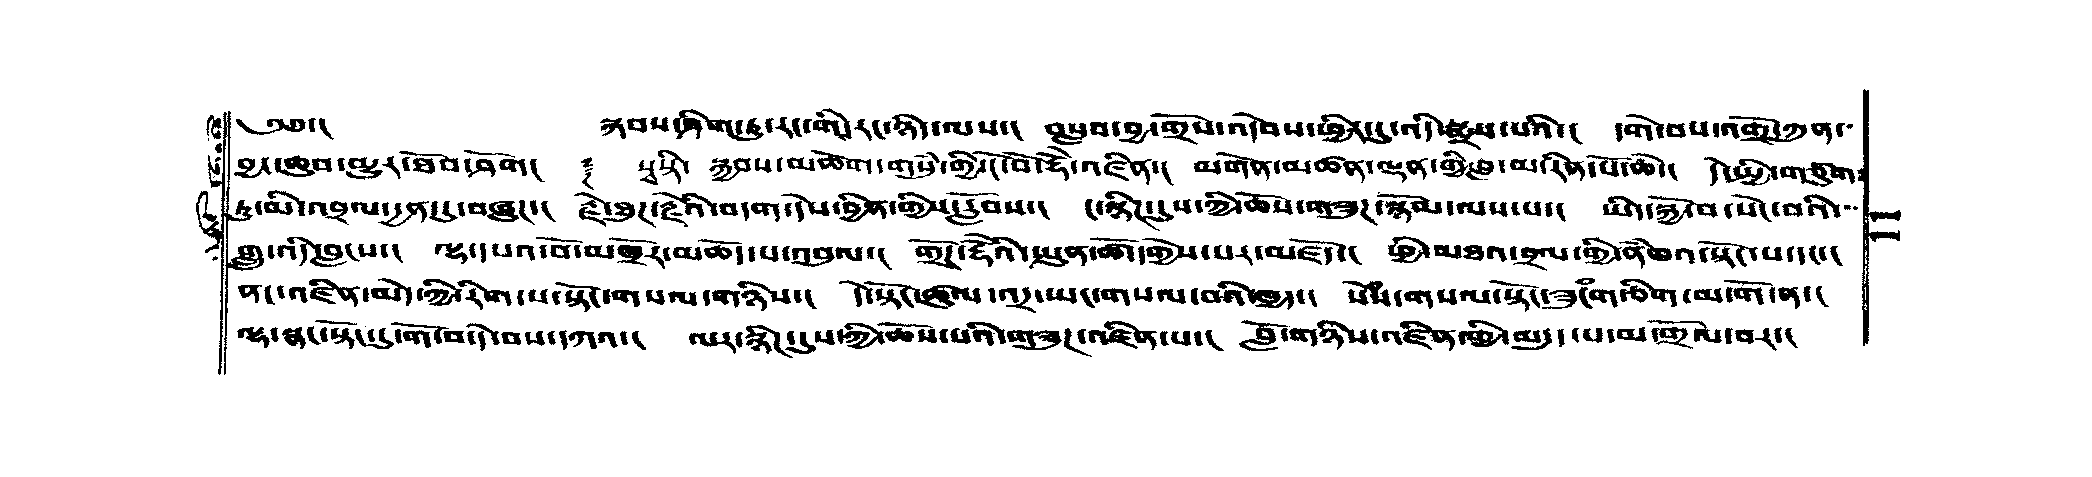སྐབས་ཤིག་ཏུ་རང་གི་རང་ཉིད་ལ། །བསླབ་བྱ་གྲོས་འདེབས་ཕྱིར་དུ་འདི་སྨྲས་པའི། །དགེ་བས་འགྲོ་ཀུན་
བྱང་ཆུབ་མྱུར་ཐོབ་ཤོག།༄༅།སྭསྟི། སྐྱབས་མཆོག་གསུམ་གྱི་ངོ་བོ་རྡོ་རྗེ་འཛིན། །མགོན་མཚན་ལྡན་གྱི་བླ་མ་རིན་པོ་ཆེ། །དེ་སྤྱི་གཙུག་
ཏུ་མི་འབྲལ་རྒྱན་དུ་བཞུགས། །རྗེ་ཐུགས་རྗེའི་བདག་དེས་བྱིན་གྱིས་རློབས། །ང་སྙིགས་དུས་ཀྱི་ཆོས་གཟུགས་སྙོམ་ལས་པ། །ཡིད་སྐྱོ་བ་སངས་བའི་
གླུ་འདི་བླངས། །ལྷ་དཔའ་བོ་མཁའ་འགྲོར་མཆོད་པ་འབུལ། །གྲོགས་རྡོ་རྗེའི་སྤུན་ཚོ་དགྱེས་པར་མཛོད། །ཕྱི་མཐའ་བྲལ་གྱི་ནམ་མཁའ་སྟོང་པ་དང་། །
ནང་འཛིན་མེད་ཀྱི་རིག་པ་སྟོང་གསལ་གཉིས། །དེ་སྟོང་ཚུལ་འདྲ་ཡང་གསལ་བའི་ཁྱད། །སེམས་གསལ་སྟོང་ཟུང་འཇུག་ཅིག་མ་གོ་ན། །
ལྷ་སྣང་སྟོང་དུ་གོ་བ་དེ་བས་དཀའ། །ལར་སྙིགས་དུས་ཀྱི་ཆོས་པའི་གཟུགས་འཛིན་པ། །བློ་གཉིས་འཛིན་གྱི་འདུད་པ་མ་གྲོལ་བར། །